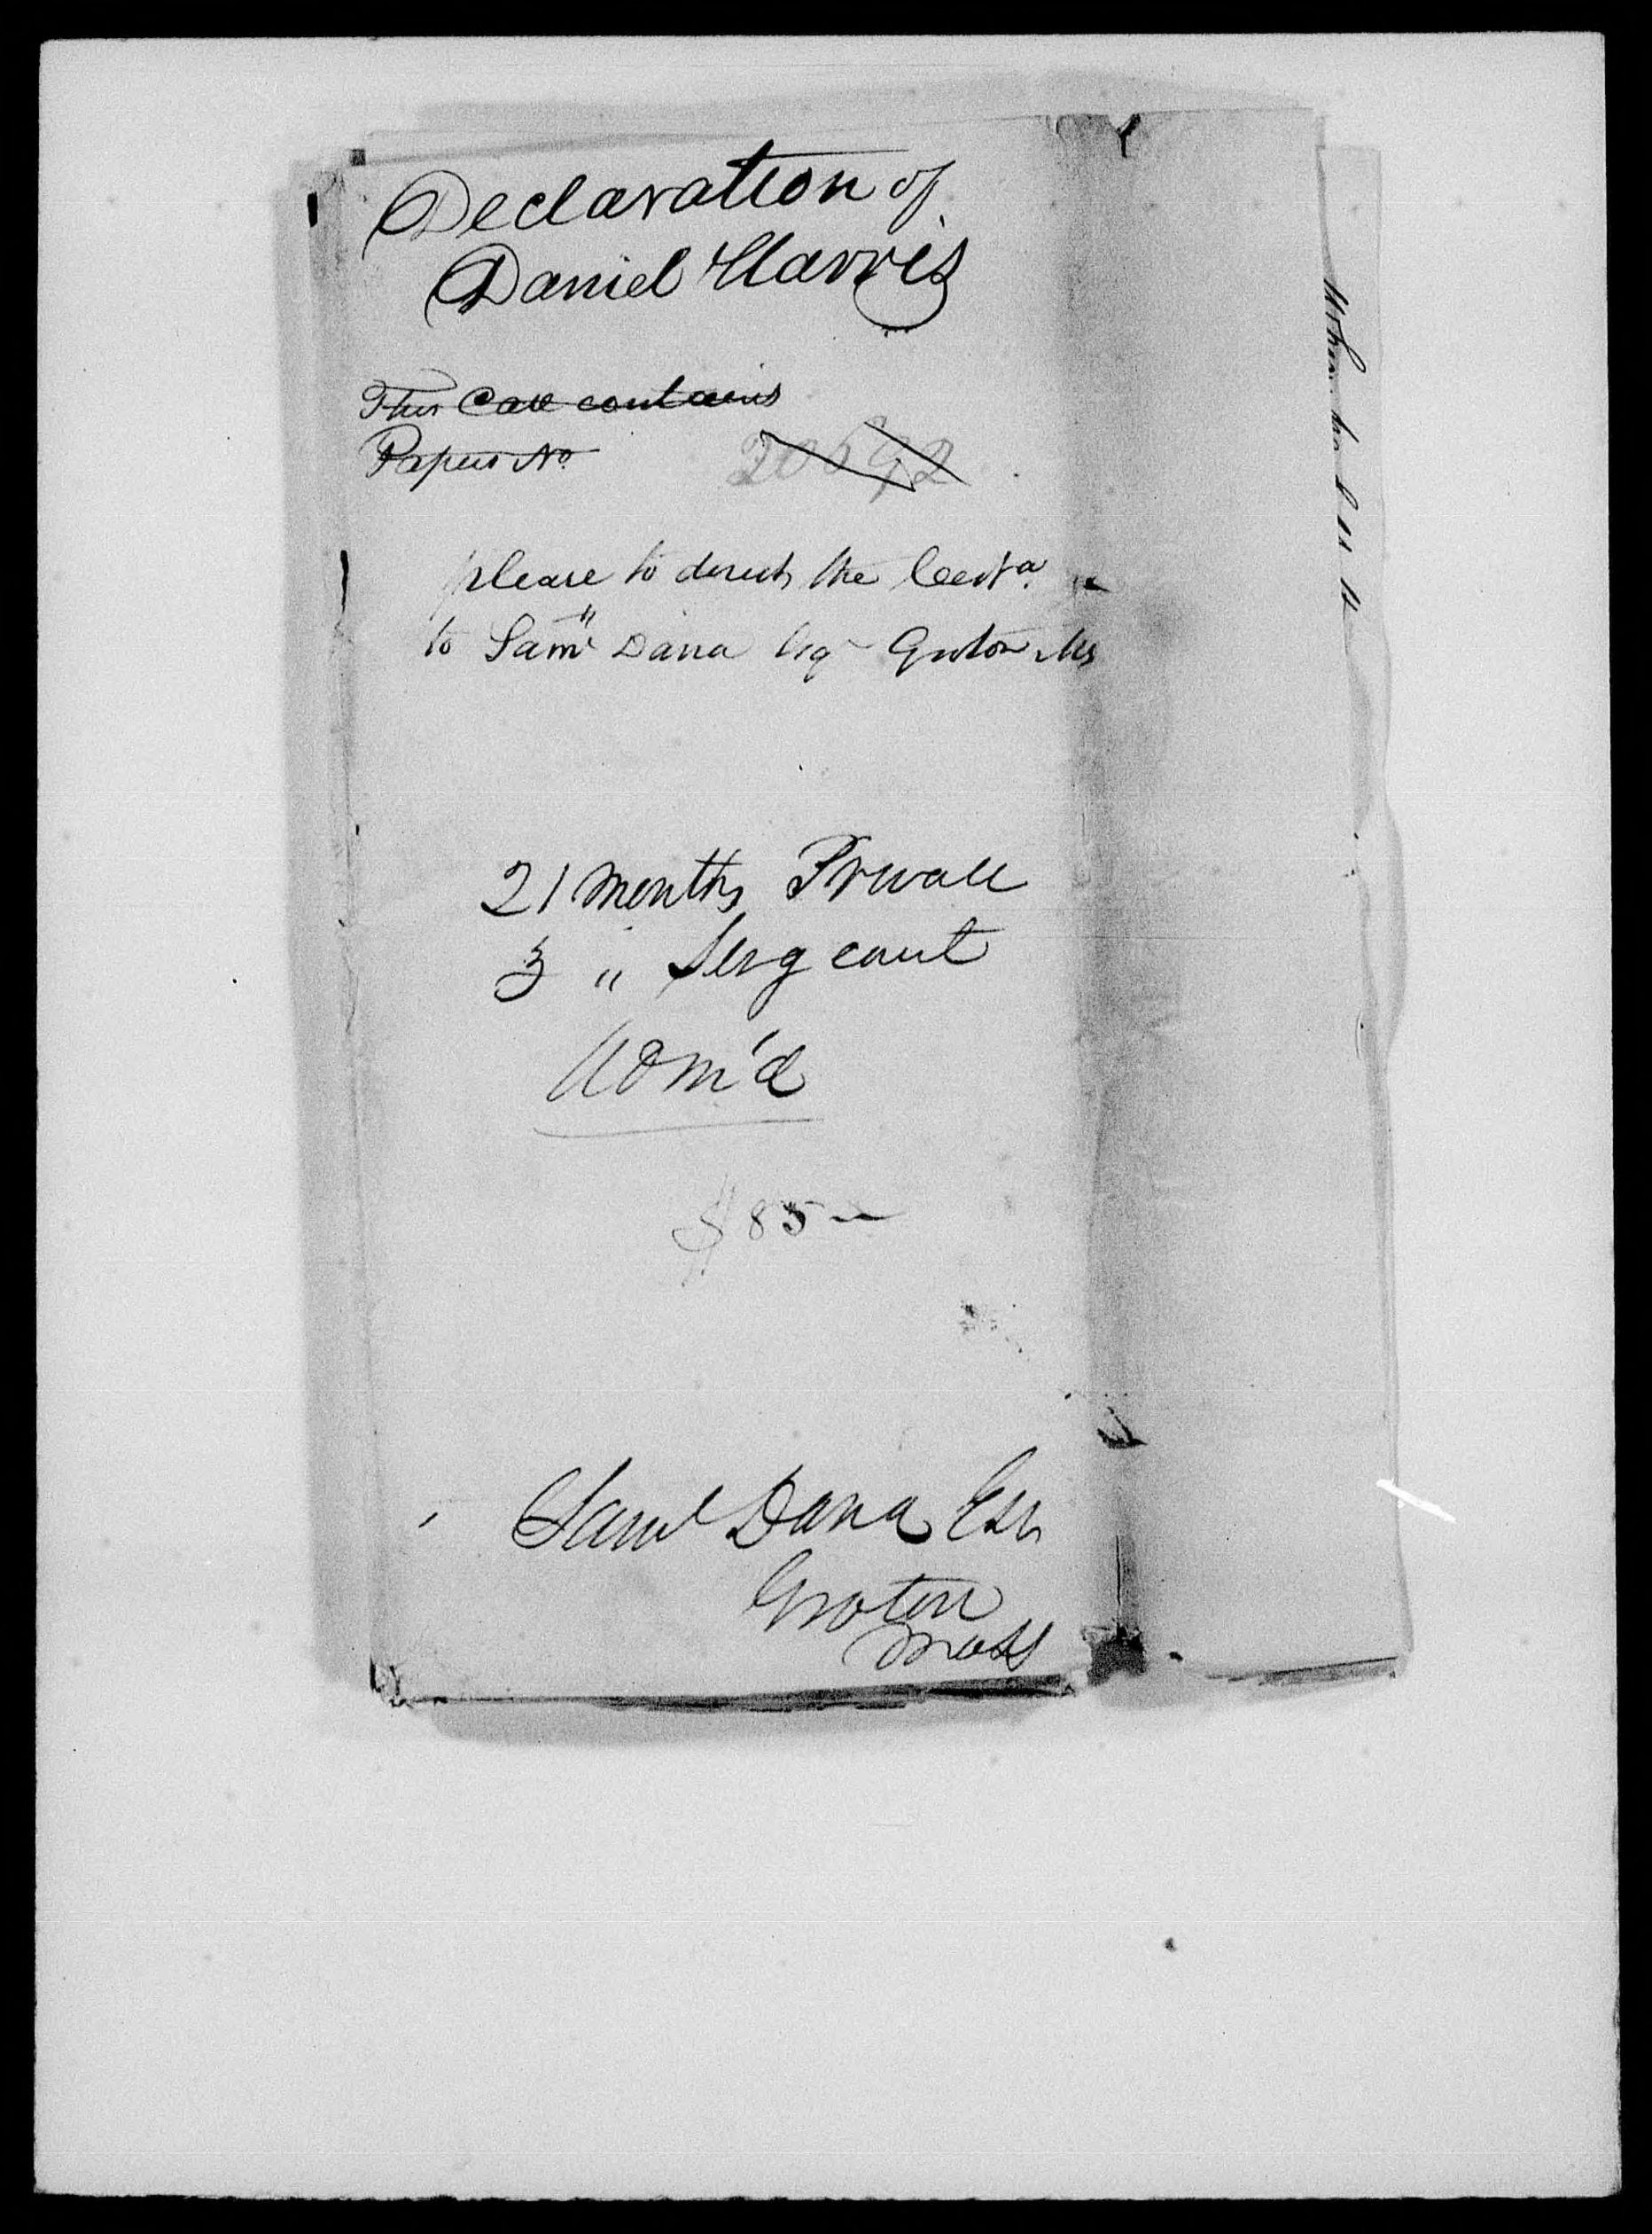Declaration of 
Daniel Harris

(This case contains Papers No. 20692 - crossed out)

please to direct the Certificate to Sam Dana Esq, ~ Groton Mass

21 Months private
3 months Sergeant

Saml Dana Esq
Groton, Mass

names: Saml Dana, Saml Dana, Daniel Harris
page: 3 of 68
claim: survivor's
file: S. 29,877, Daniel Harris, Mass.